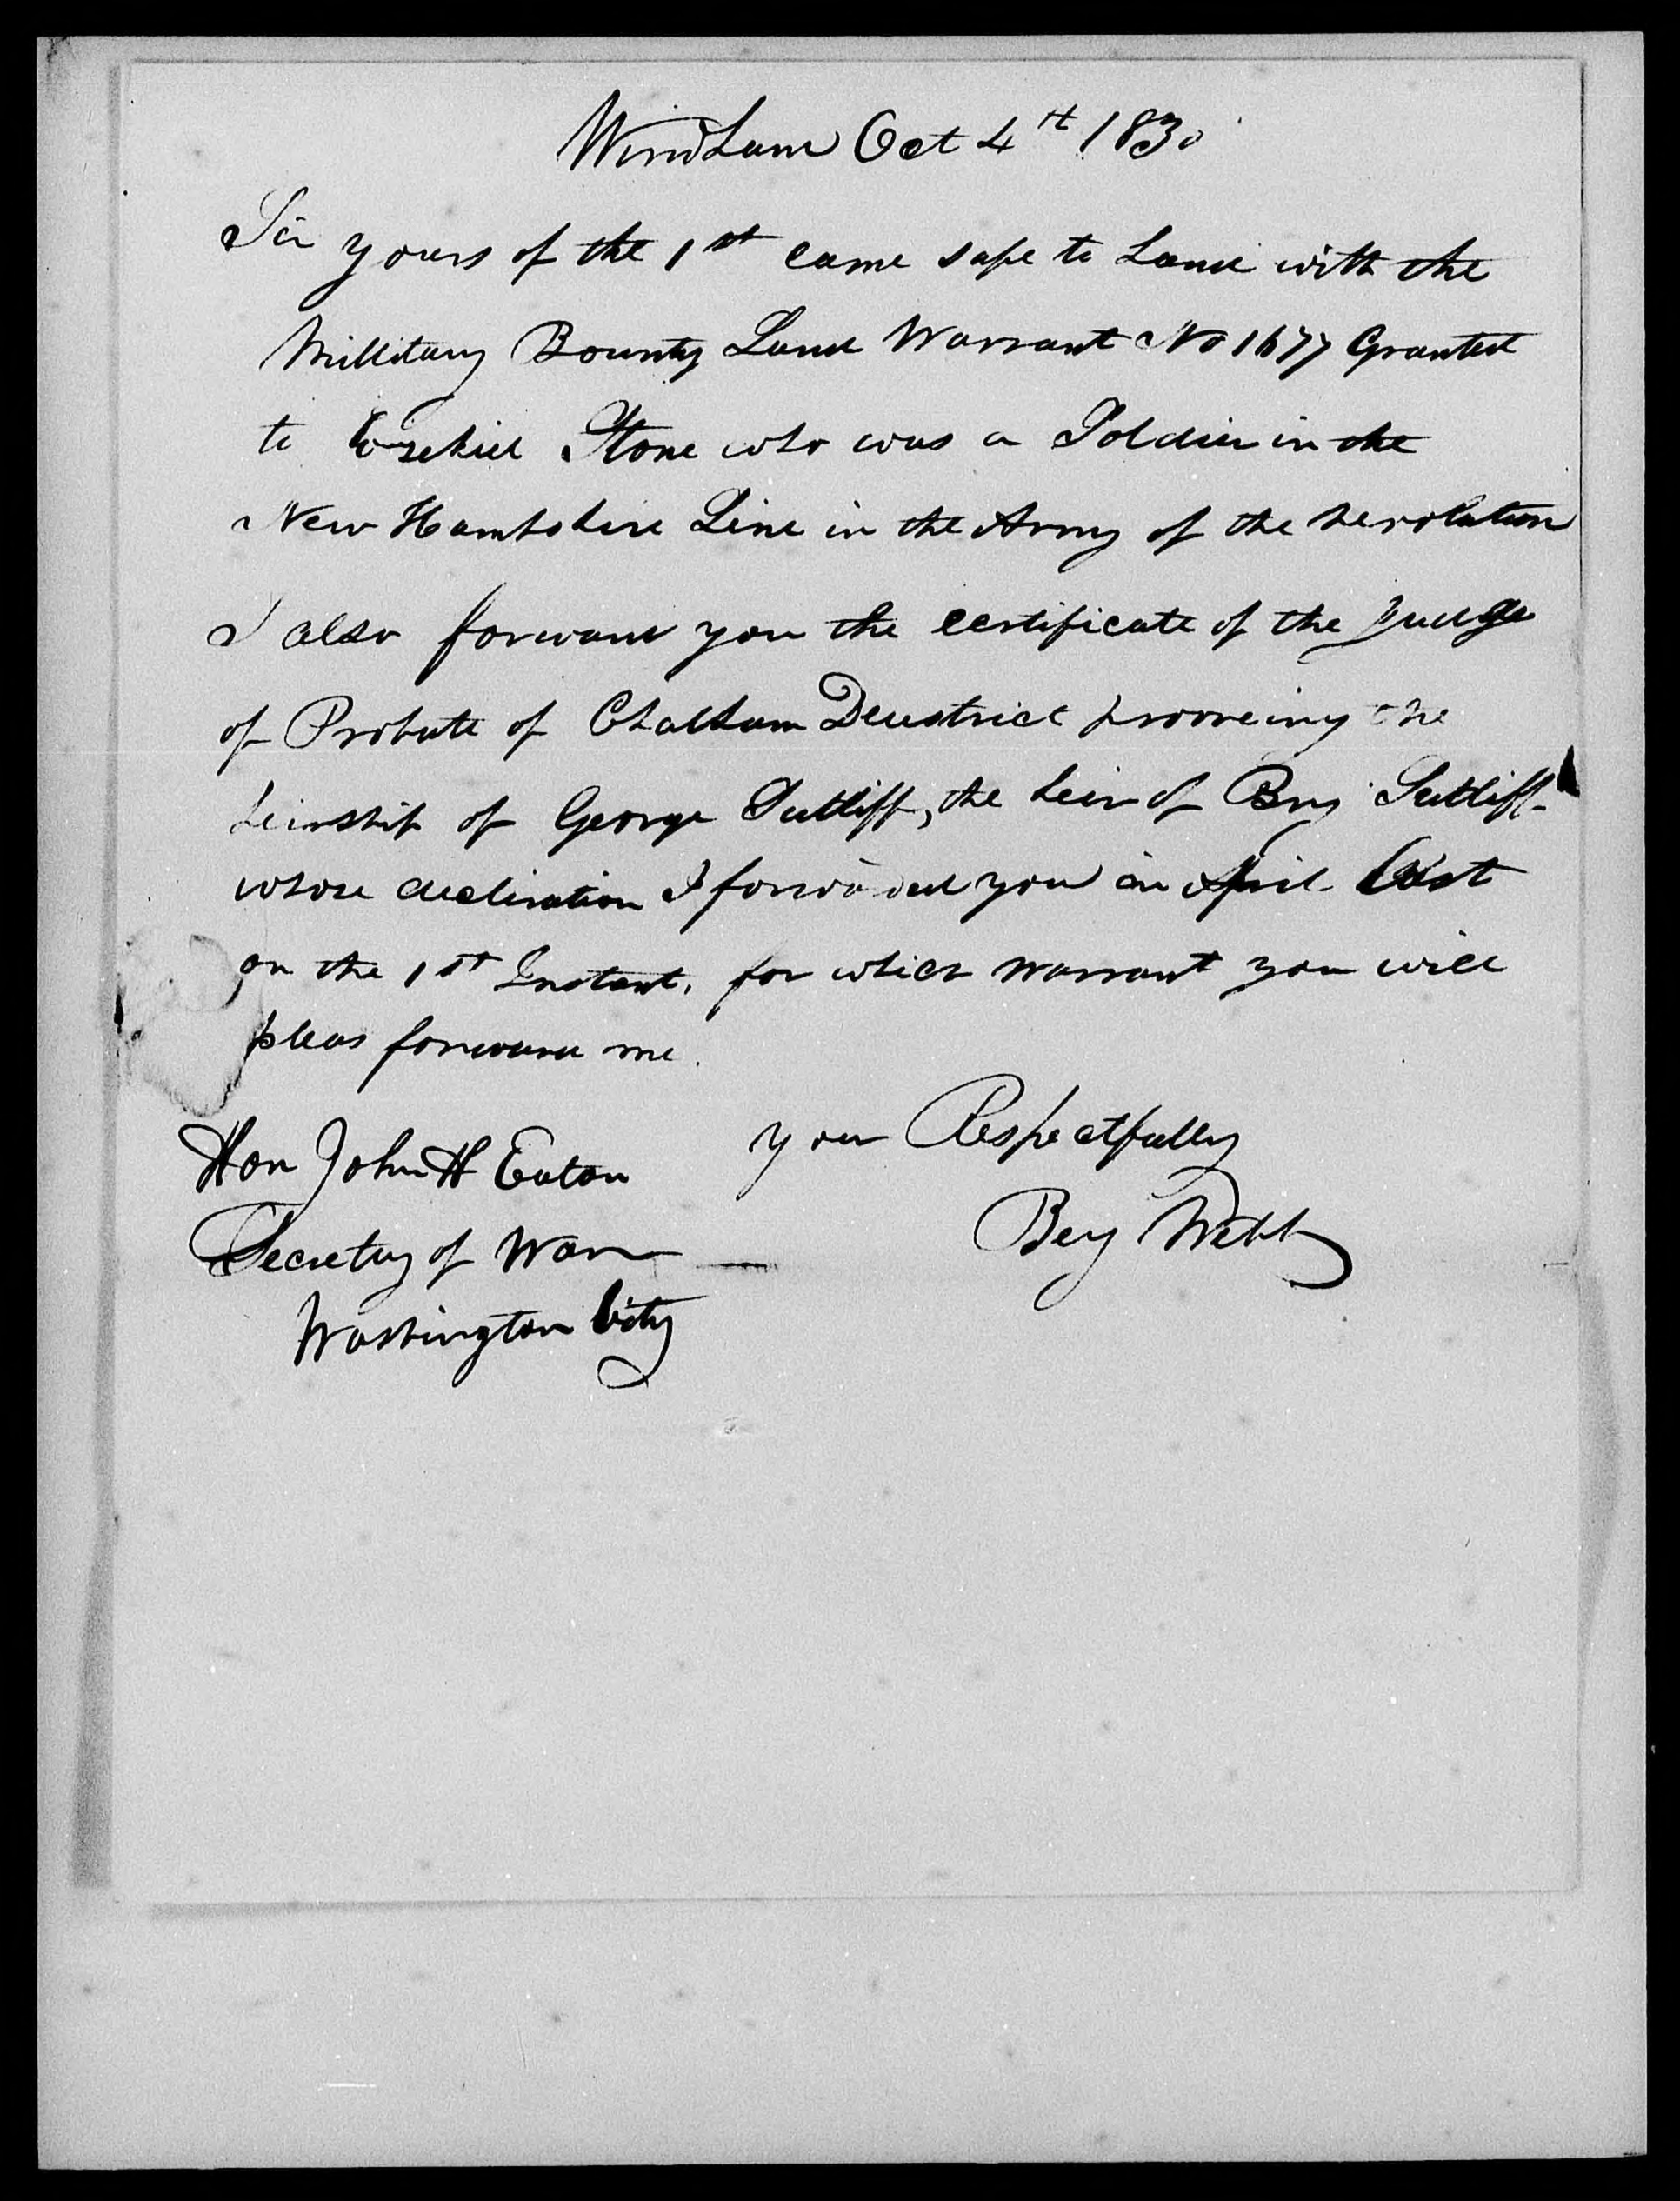Windham  Oct 4th 1830

Sir

Yours of the 1st came safe to Land with the Millitary Bounty Land Warrant No 1677 Granted to Ezekiel Stone who was a Soldier in the New Hampshire Line in the Army of the revolution 

I also forward you the certificate of the Judge of Probate of Chatham District prooveing the kinship of George Sutliff, the heir of Benj Sutcliff whose declaration I forwarded you in April last on the 1st Instant, for which warrant you will pleas forward me.

Yours Respectfully
Benj Webb

Hon John H Eaton
Secretary of War
Washington City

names: Ezekiel Stone; George Sutliff; John H Eaton; Benj Sutliff; Benj Webb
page: 34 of 38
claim: survivor's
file: S. 43181, for Ezekiel Stone, New Hampshire